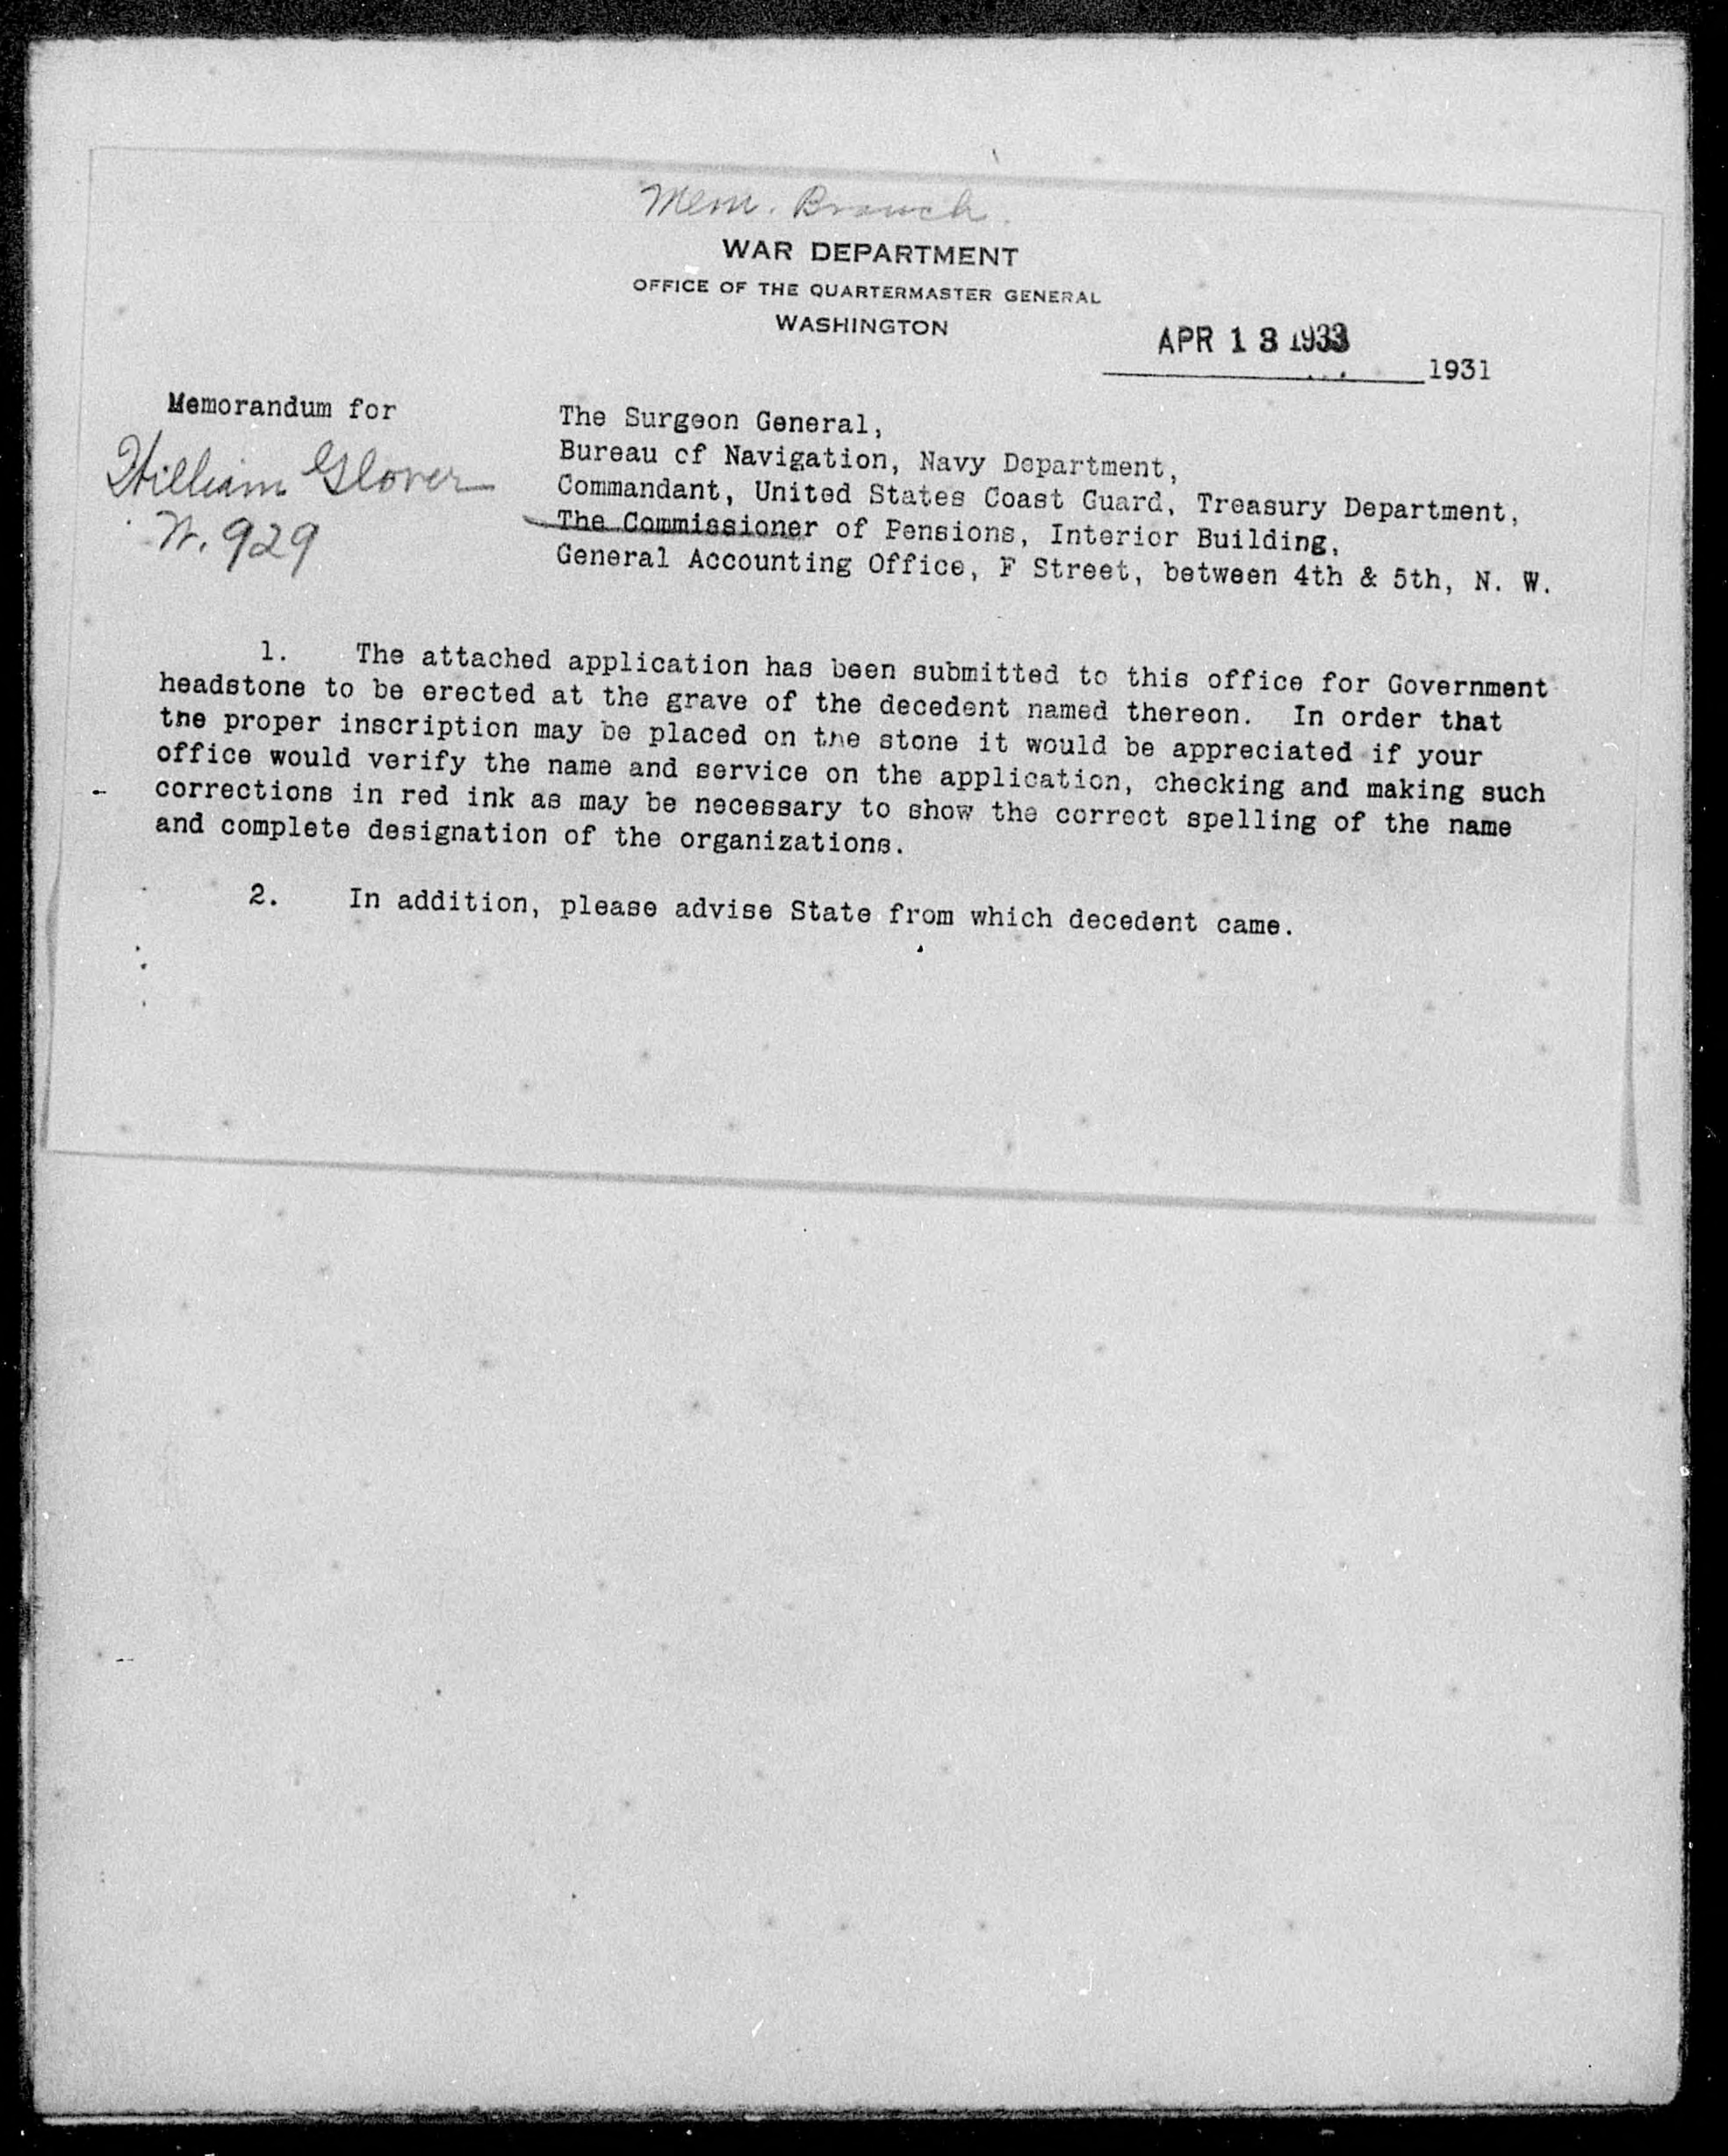Mem. Branch
WAR DEPARTMENT
OFFICE OF THE QUARTERMASTER GENERAL
WASHINGTON

APR 13 1933. 1931

Memorandum for
William Glover
W. 929

The Surgeon General,
Bureau of Navigation, Navy Department
Commandant, United States Coast Guard, Treasury Department,
The Commissioner of Pensions, Interior Building,
General Accounting Office, F Street, between 4th & 5th, N. W.

1. The attached application has been submitted to this office for Government headstone to be erected at the grave of the decedent named thereon. In order that the proper inscription may be placed on the stone it would be appreciated if your office would verify the name and service on the application, checking and making such
corrections in red ink as may be necessary to show the correct spelling of the name and complete designation of the organizations.
2. In addition, please advise State from which decedent came.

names: William Glover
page: 44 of 51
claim: widow's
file: W. 929, William Glover, N.C.